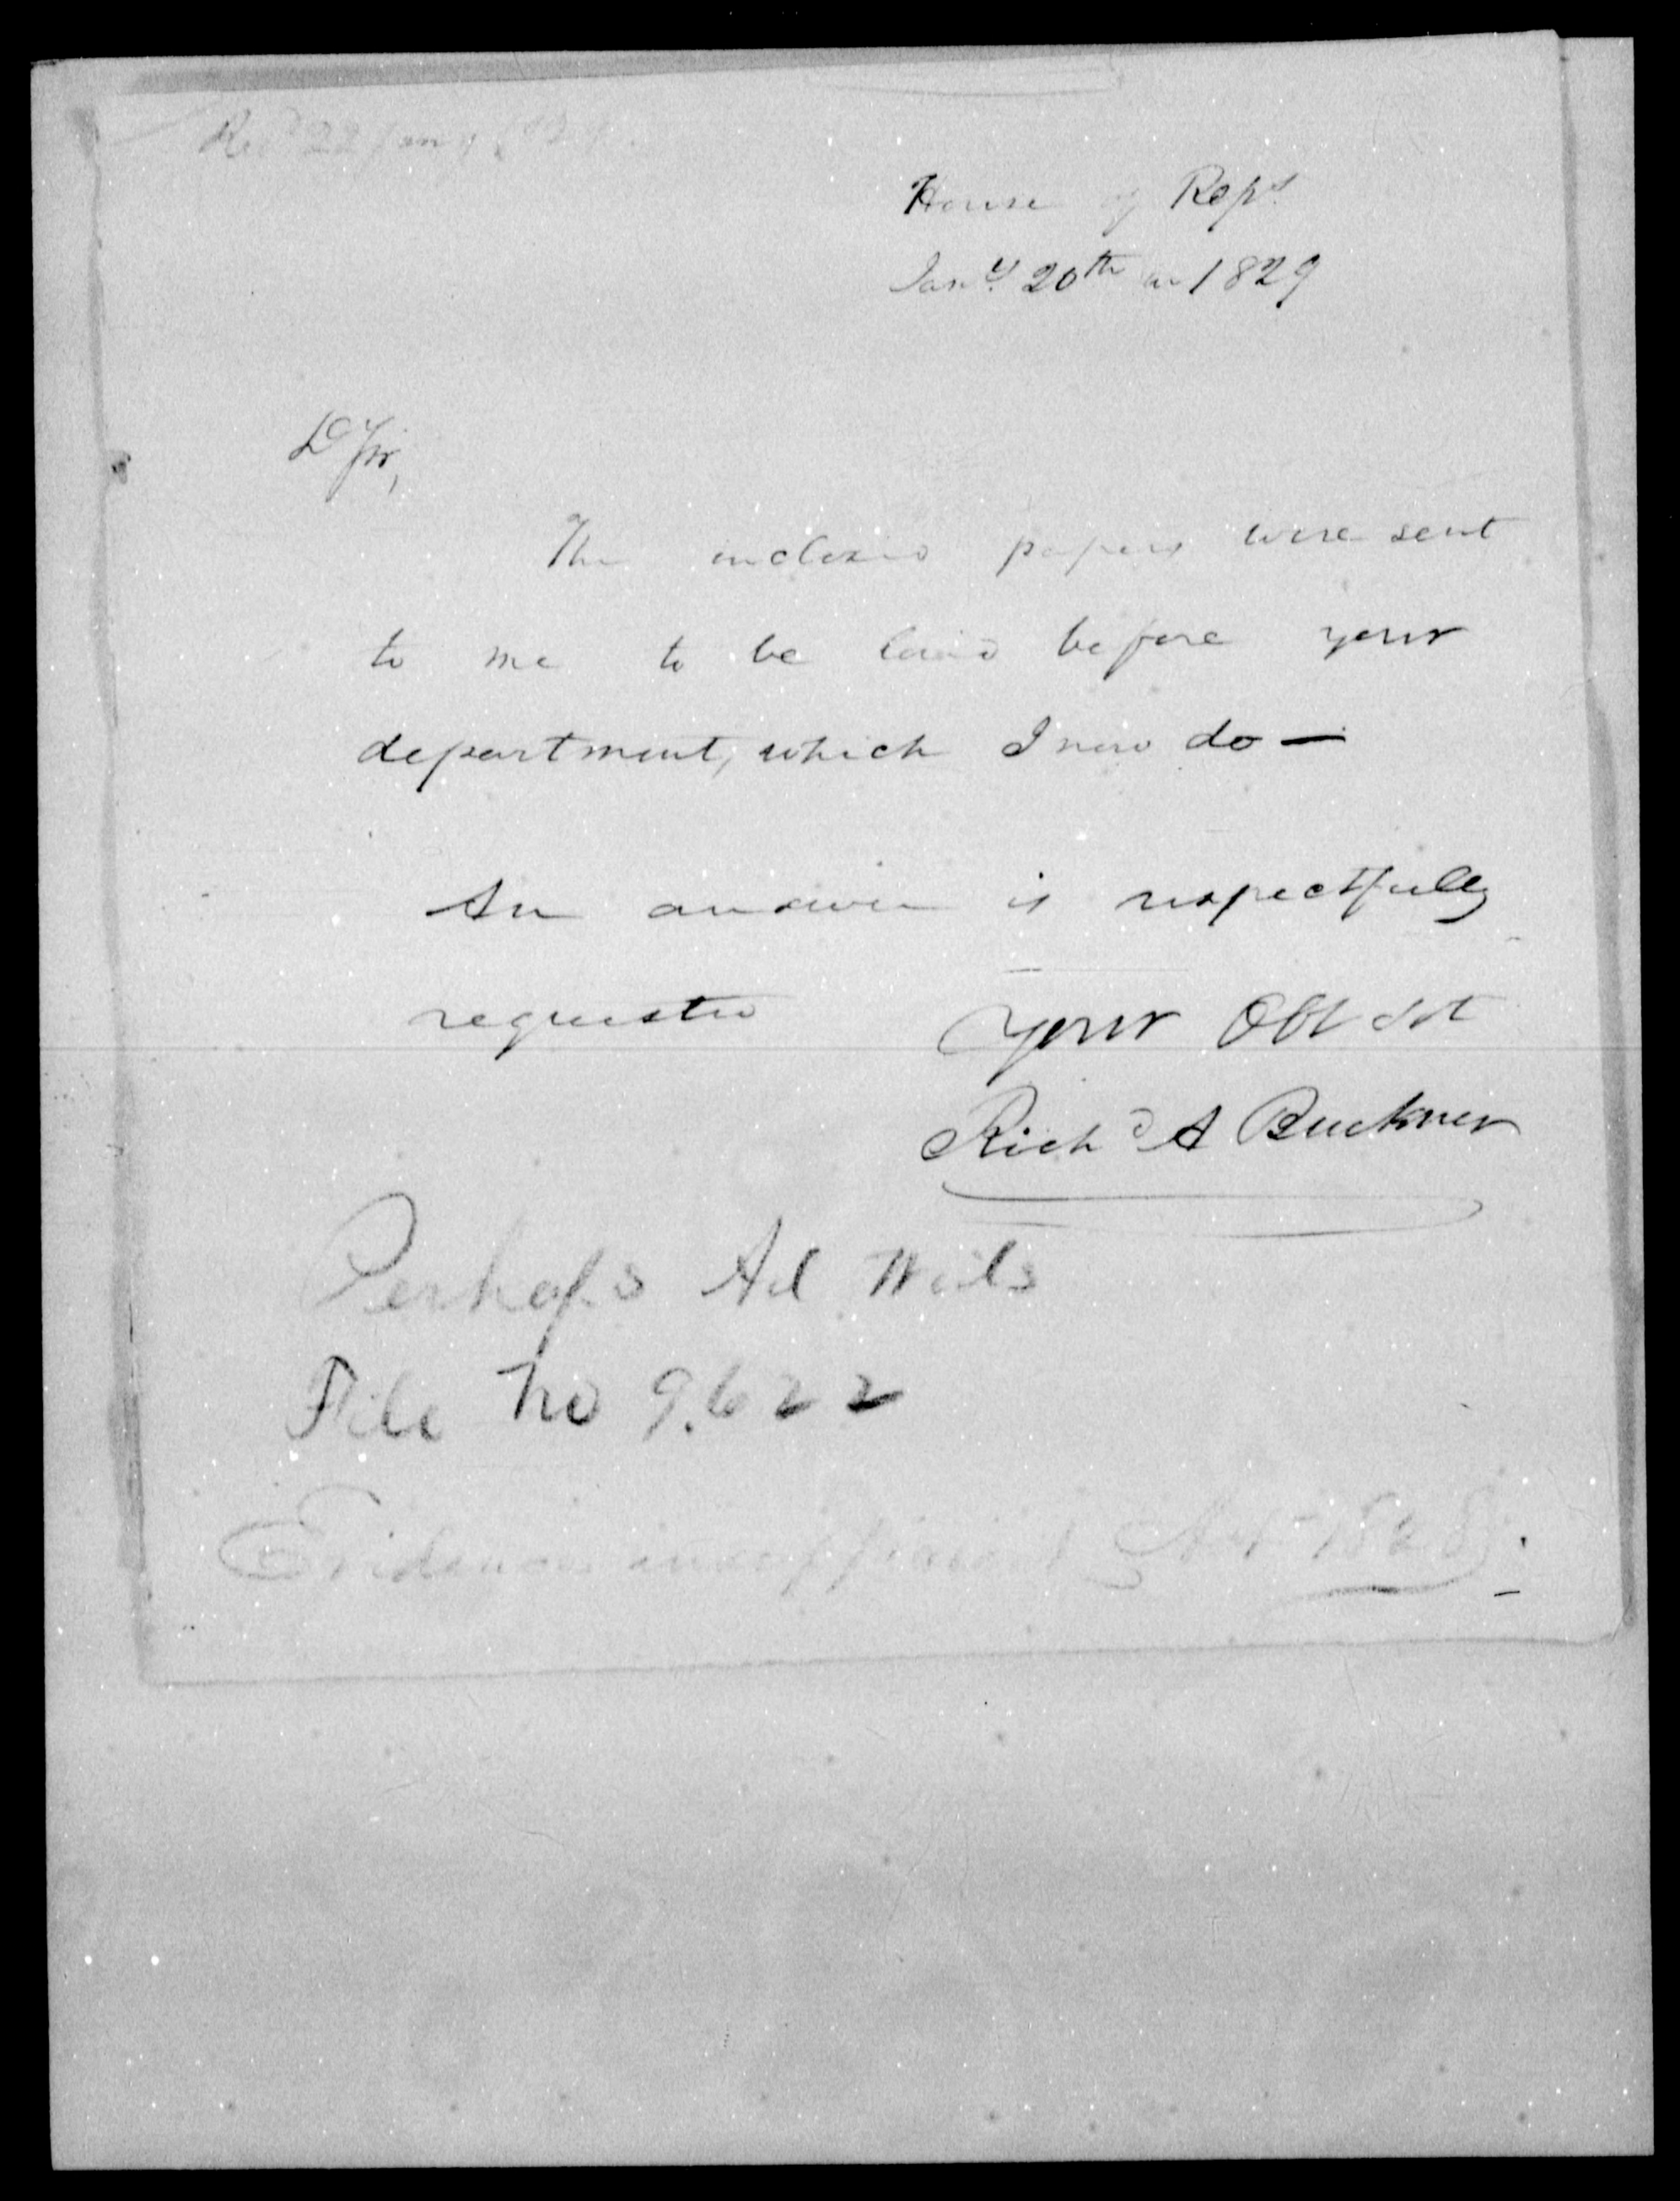Recd 22 Jany
House of Reps
Jany 20th 1829
The enclosed papers were sent
to me to be laid before your
department, which I now do --
An answer is respectfully
requested 
your obedient
Rich A Buckner
Perhaps Ad trials
File no 9.622
Evidence insufficient AF 1828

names: Richd A Buckner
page: 56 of 57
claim: widow's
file: W. 9,622, for Aaron Redman, Virginia